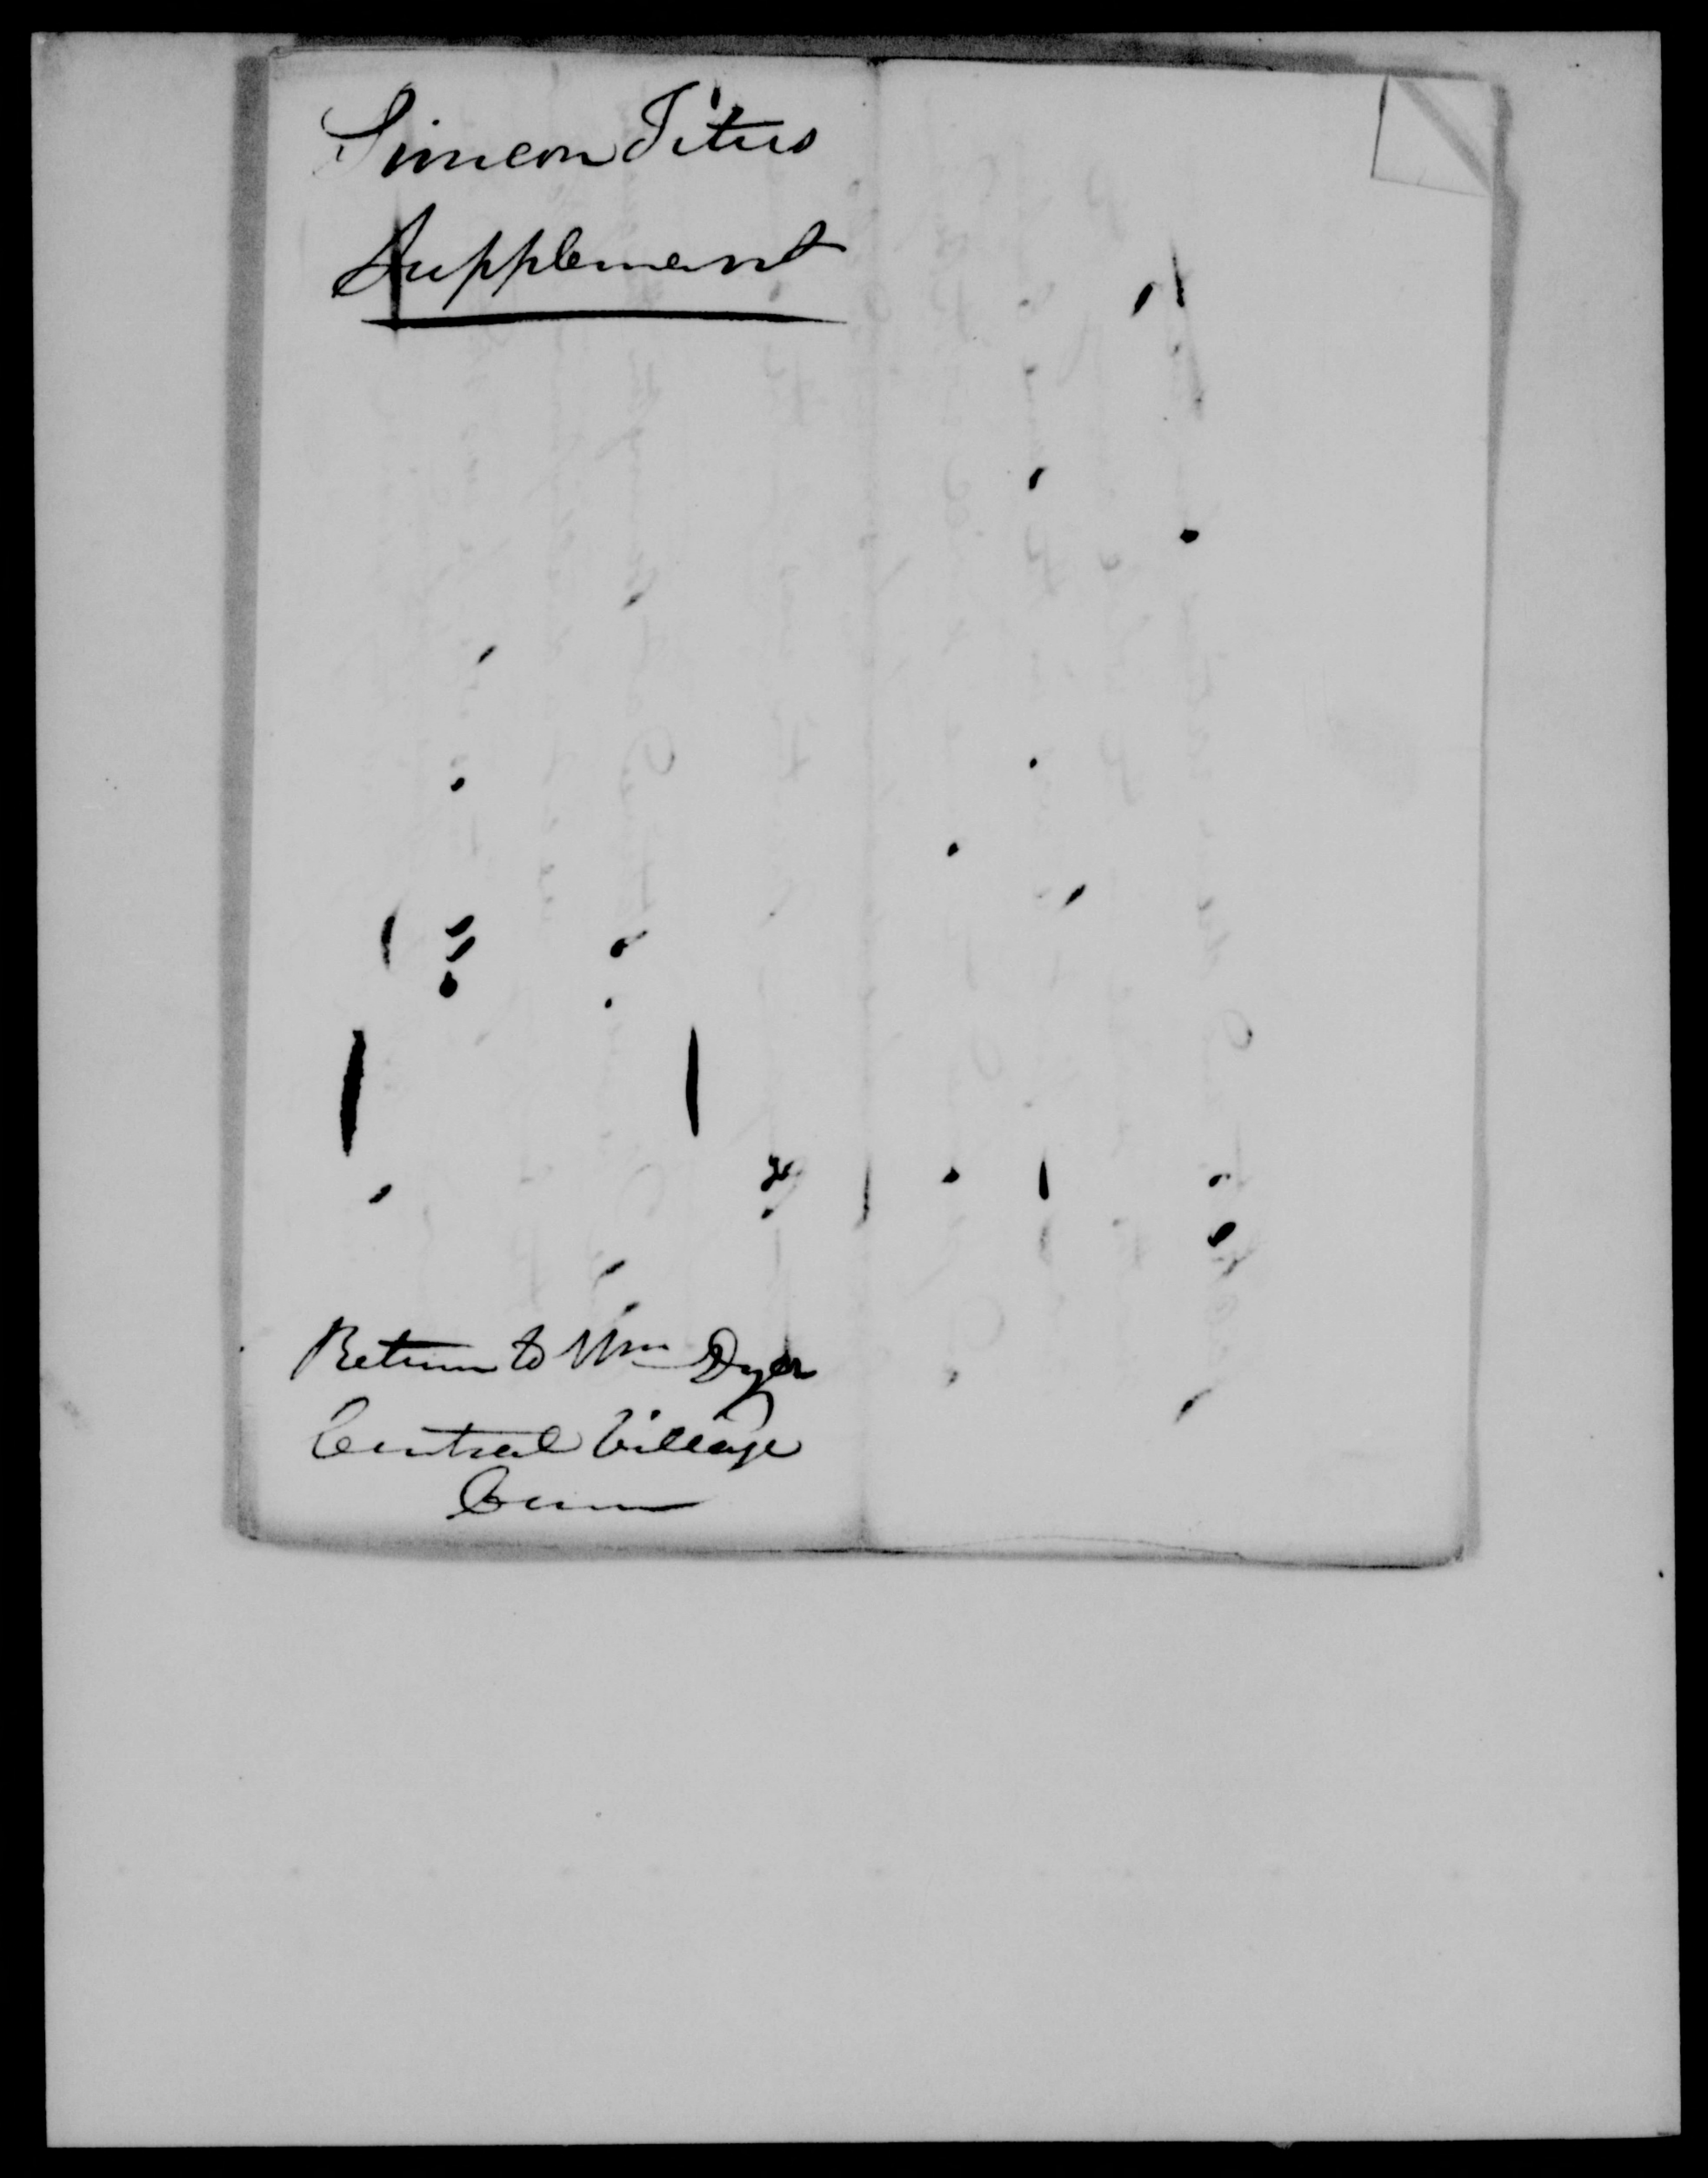Simeon Titus
Supplement


Return to
William Dyer
Central Village
Conn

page: 57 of 74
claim: survivor's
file: S. 11556, for Simeon Titus, Rhode Island